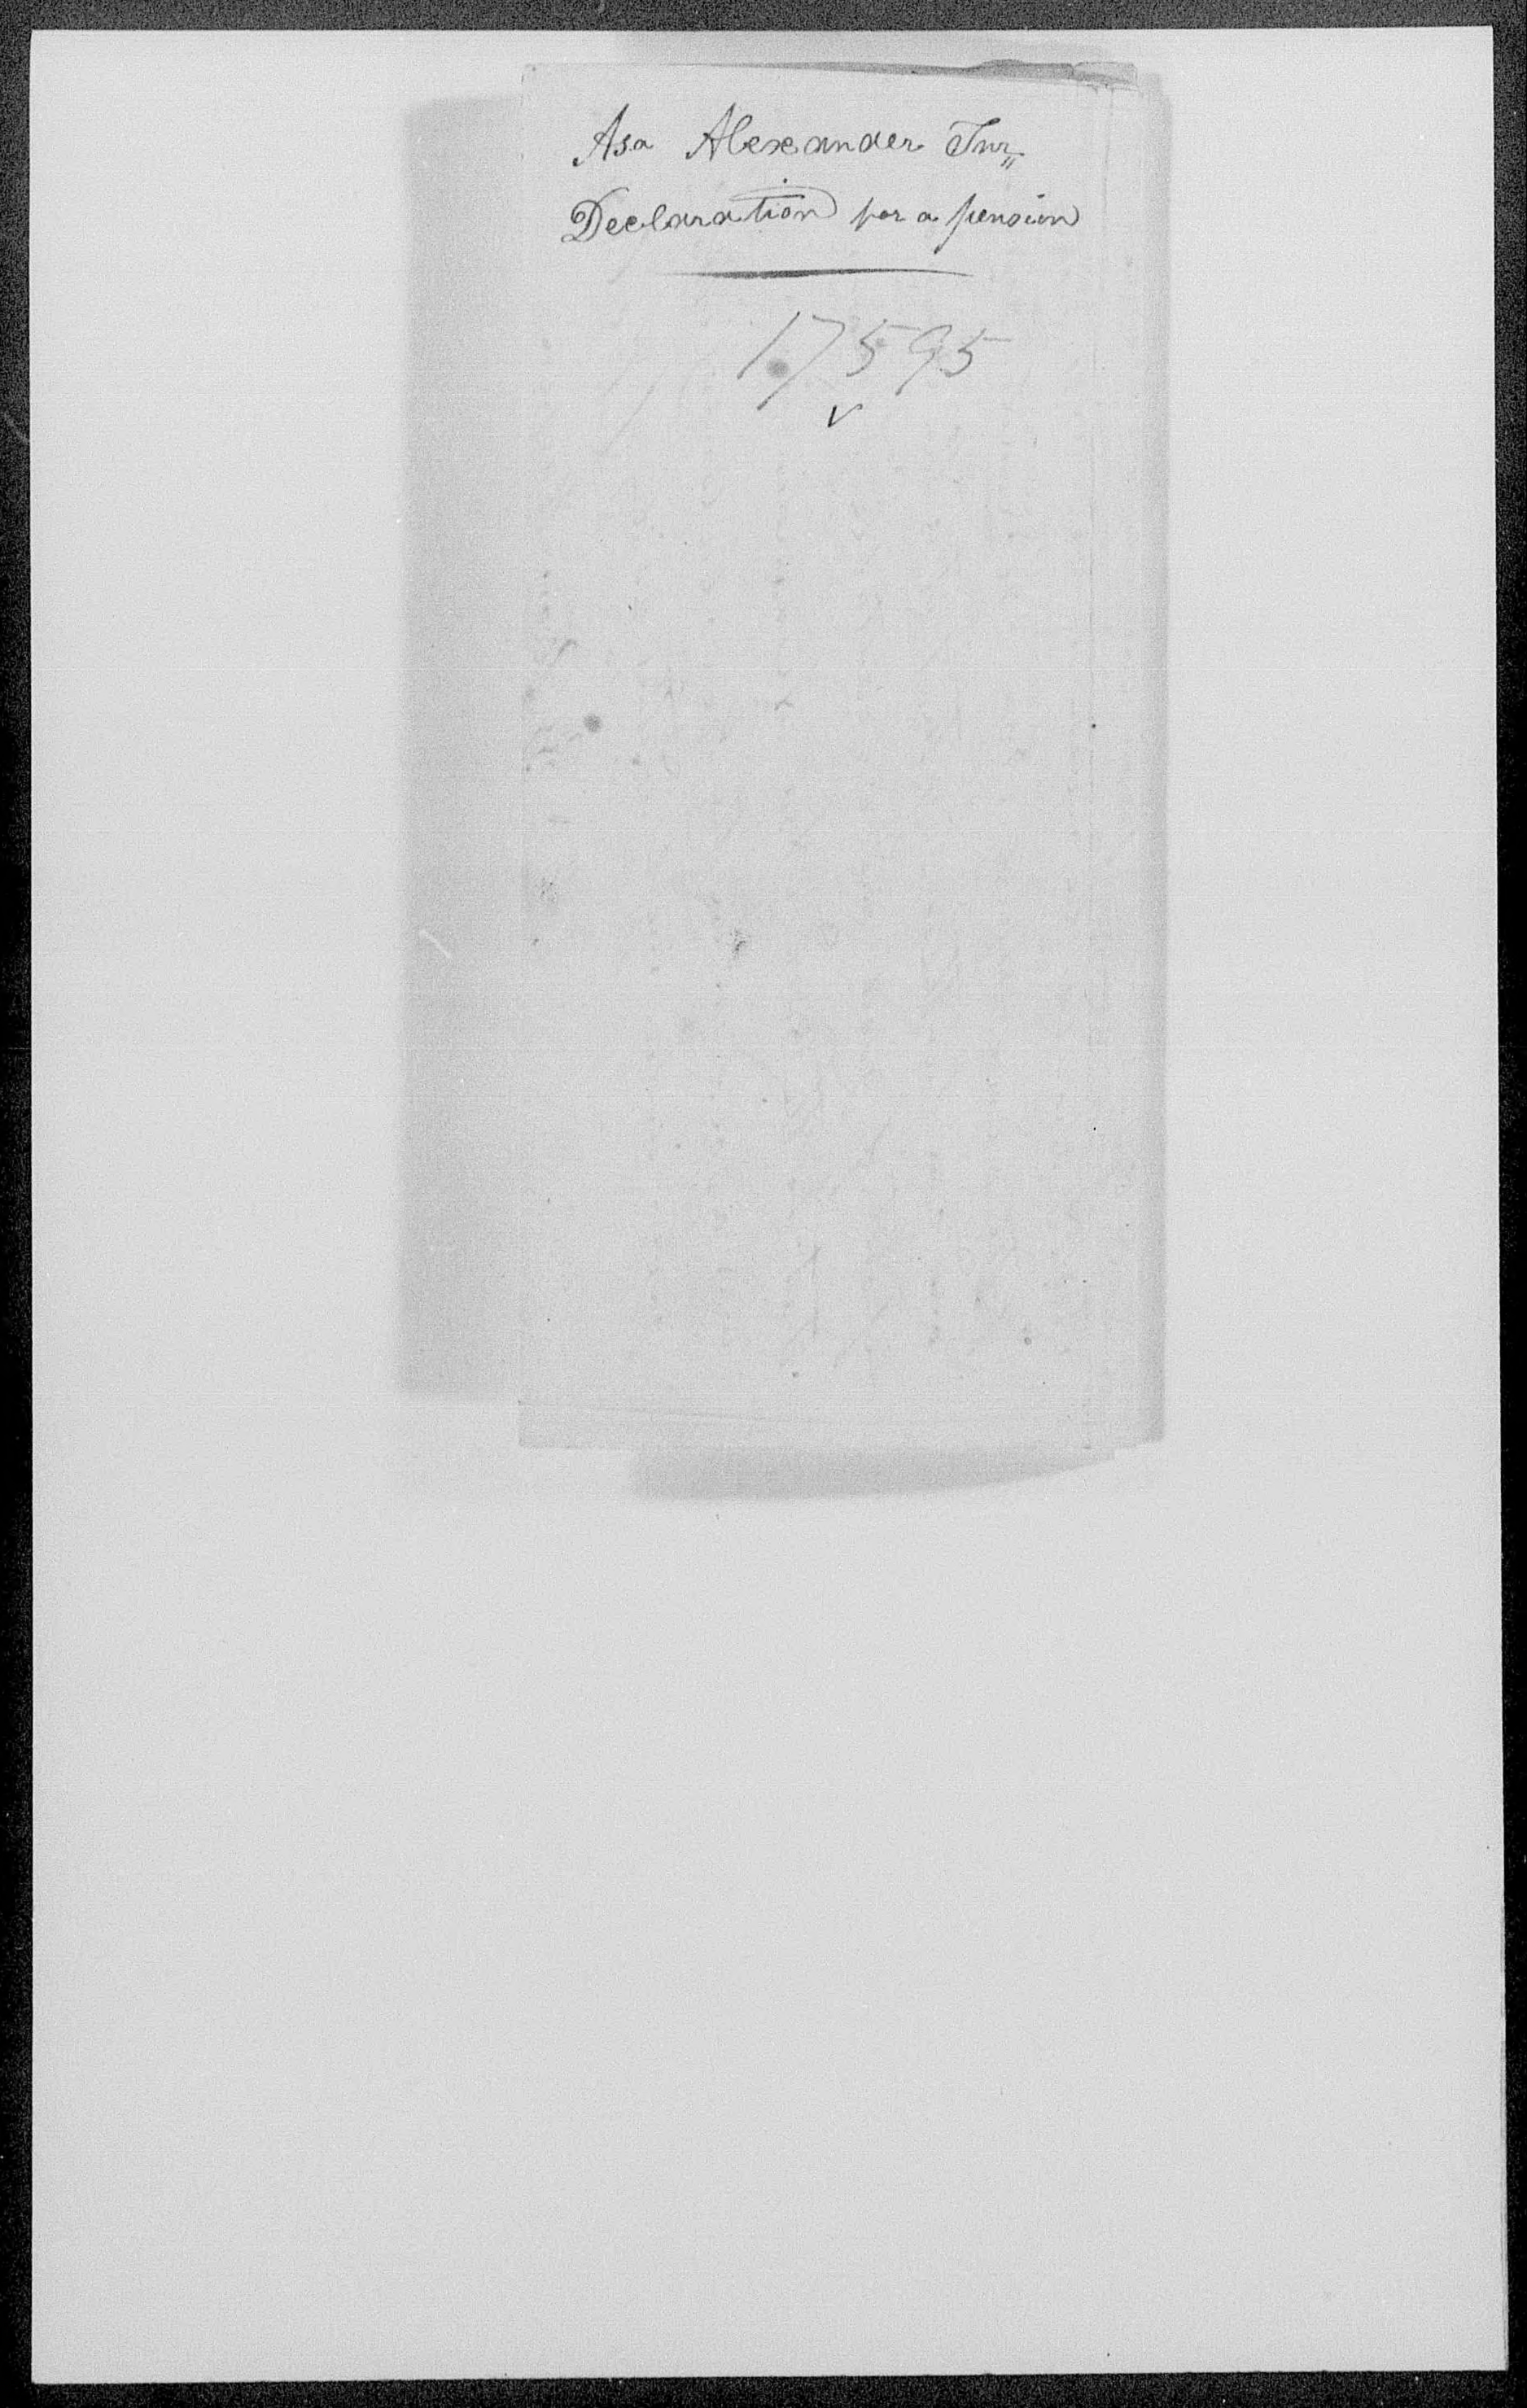Asa Alexander Senr Declaration for a pension
17595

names: Asa Alexander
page: 3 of 35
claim: survivor's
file: S. 32092, Asa Alexander, Ga.